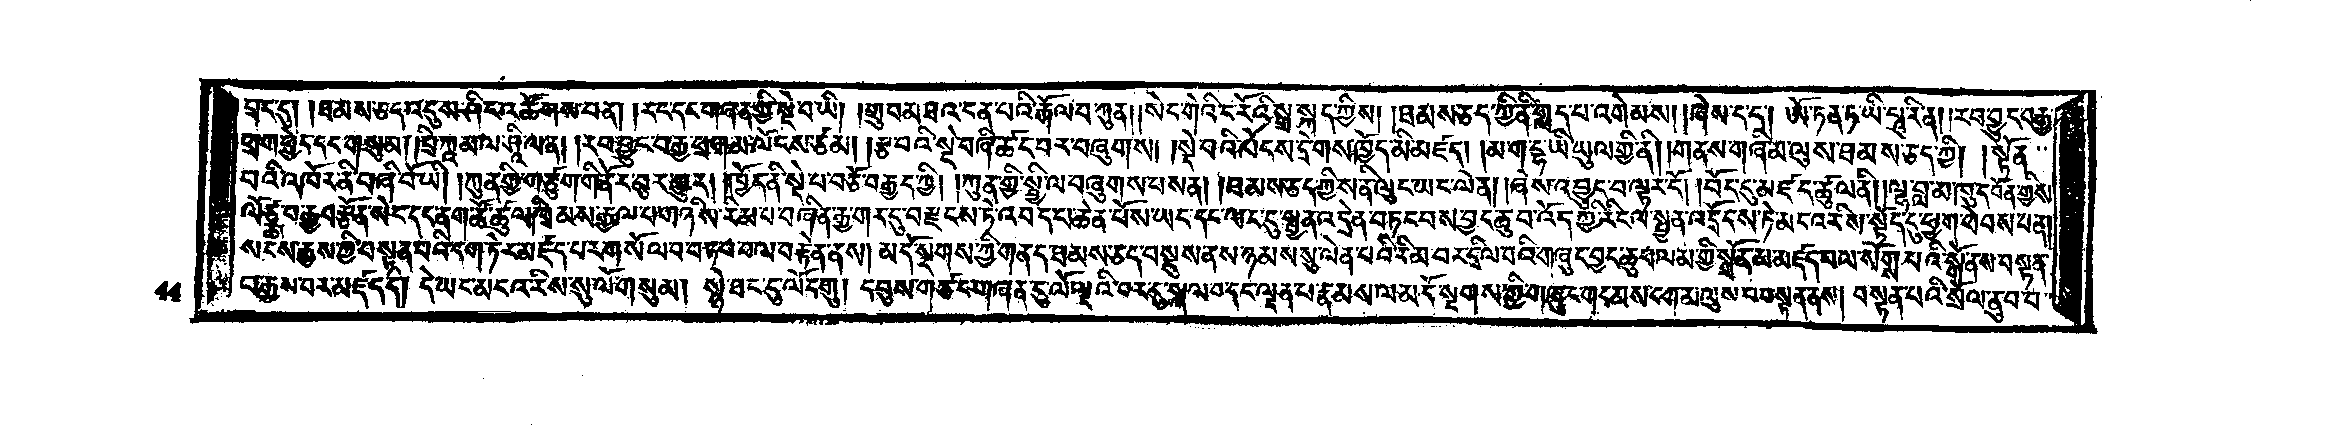བྲང་དུ། །ཐམས་ཅད་འདུས་ཤིང་འཚོགས་པ་ན། །རང་དང་གཞན་གྱི་སྡེ་པ་ཡི། །གྲུབ་མཐའ་ངན་པའི་རྒོལ་བ་ཀུན། །སེང་གེའི་ང་རོའི་སྒྲ་སྐད་ཀྱིས། །ཐམས་ཅད་ཀྱི་ནི་ཀླད་པ་འགེམས། །ཞེས་དང་། ཨོ་ཏན་ཏ་ཡི་པཱུ་རི་ན། །རབ་བྱུང་བརྒྱ་
ཕྲག་ཕྱེད་དང་གསུམ། །བྲི་ཀཱ་མ་ལ་ཤཱི་ལན། །རབ་བྱུང་བརྒྱ་ཕྲག་མ་ལོངས་ཙམ། །རྩ་བའི་སྡེ་བཞི་ཚང་བར་བཞུགས། །སྡེ་པའི་ཁེངས་དྲེགས་ཁྱོད་མི་མཛད། །མ་ག་དྷ་ཡི་ཡུལ་གྱི་ནི། །གནས་གཞི་མ་ལུས་ཐམས་ཅད་ཀྱི། །སྟོན་
པའི་འཁོར་ནི་བཞི་པོ་ཡི། །ཀུན་གྱི་གཙུག་གི་ནོར་བུར་གྱུར། །ཁྱོད་ནི་སྡེ་པ་བཅོ་བརྒྱད་ཀྱི། །ཀུན་གྱི་སྤྱི་ལ་བཞུགས་པས་ན། །ཐམས་ཅད་ཀྱིས་ནི་ལུང་ཡང་ལེན། །ཞེས་འབྱུང་བ་ལྟར་རོ། །བོད་དུ་མཛད་ཚུལ་ནི། ལྷ་བླ་མ་ཁུ་དབོན་གྱིས་
ལོ་ཙྪ་བ་རྒྱ་བརྩོན་སེང་དང་ནག་ཚོ་ཚུལ་ཁྲིམས་རྒྱལ་བ་གཉིས་རིམ་པ་བཞིན་རྒྱ་གར་དུ་བརྫངས་ཏེ་འབད་པ་ཆེན་པོས་ཡང་དང་ཡང་དུ་སྤྱན་འདྲེན་བཏང་བས་བྱང་ཆུབ་འོད་ཀྱི་རིང་ལ་སྤྱན་འདྲོངས་ཏེ་མངའ་རིས་སྟོད་དུ་ཕྱག་ཕེབས་པ་ན།
སངས་རྒྱས་ཀྱི་བསྟན་པའི་དག་ཏེར་མཛད་པར་གསོལ་བ་བཏབ་པ་ལ་བརྟེན་ནས། མདོ་སྔགས་ཀྱི་གནད་ཐམས་ཅད་བསྡུས་ནས་ཉམས་སུ་ལེན་པའི་རིམ་པར་དྲིལ་བའི་གཞུང་བྱང་ཆུབ་ལམ་གྱི་སྒྲོན་མ་མཛད་པ་ལ་སོགས་པའི་སྒོ་ནས་བསྟན་
པ་རྒྱས་པར་མཛད་དེ། དེ་ཡང་མངའ་རིས་སུ་ལོ་གསུམ། སྙེ་ཐང་དུ་ལོ་དགུ། དབུས་གཙང་གཞན་དུ་ལོ་ལྔའི་བར་དུ་སྐལ་བ་དང་ལྡན་པ་རྣམས་ལ་མདོ་སྔགས་ཀྱི་གཞུང་གདམས་ངག་མ་ལུས་པ་བསྟན་ནས། བསྟན་པའི་སྲོལ་ནུབ་པ་